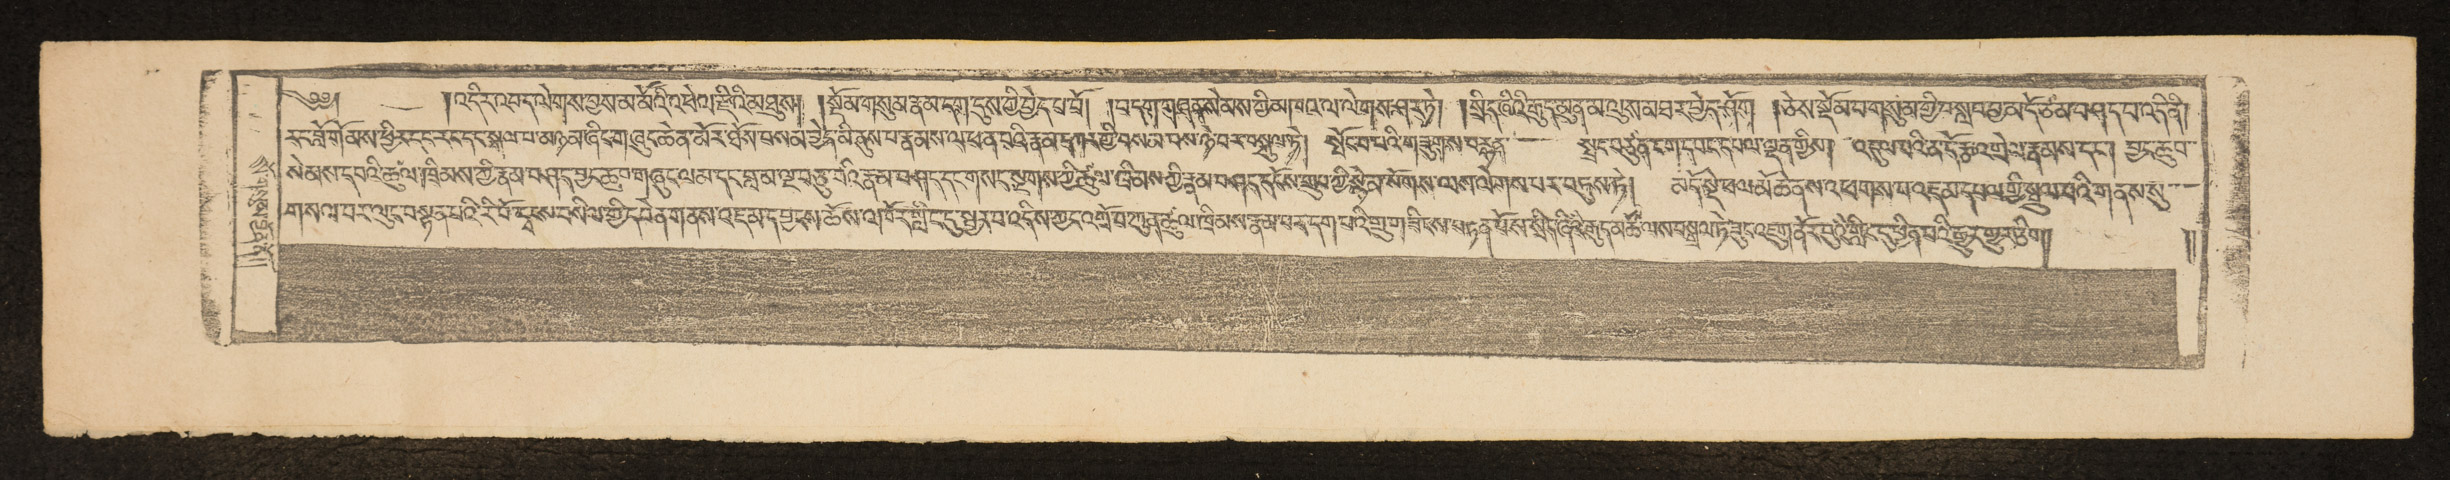༄༅། །འདིར་འབད་ལེགས་བྱས་མ་མོའི་འཕེལ་རྗིའི་མཐུས། །སྡོམ་གསུམ་རྣམ་དག་དུས་ཀྱི་བྱེད་པ་པོ། །བདག་གཞན་སེམས་ཀྱི་མཁའ་ལ་ལེགས་ཤར་ཏེ། །སྲིད་ཞིའི་རྒུད་མུན་མ་ལུས་མཐར་བྱེད་ཤོག །ཅེས་སྡོམ་པ་གསུམ་གྱི་བསླབ་བྱ་མདོ་ཙམ་བཤད་པ་འདི་ནི།
རང་བློ་གོམས་ཕྱིར་དང་རང་དང་སྐལ་བ་མཉམ་ཞིང་གཞུང་ཆེན་མོར་ཐོས་བསམ་བྱེད་མི་ནུས་པ་རྣམས་ལ་ཕན་པའི་རྣམ་དཀར་གྱི་བསམ་པས་ཉེ་བར་བསྐུལ་ཏེ། སྤོང་བའི་གཟུགས་བརྙན་སྤྲང་བཙུན་ངག་དབང་དཔལ་ལྡན་གྱིས། འདུལ་བའི་མདོ་རྩ་འགྲེལ་རྣམས་དང་། བྱང་ཆུབ་
སེམས་དཔའི་ཚུལ་ཁྲིམས་ཀྱི་རྣམ་བཤད་བྱང་ཆུབ་གཞུང་ལམ་དང་བླ་མ་ལྔ་བཅུ་བའི་རྣམ་བཤད་དང་གསང་སྔགས་ཀྱི་ཚུལ་ཁྲིམས་ཀྱི་རྣམ་བཤད་དངོས་གྲུབ་ཀྱི་སྙེམ་སོགས་ལས་ལེགས་པར་བཏུས་ཏེ། །མདོ་སྡེ་ཕལ་མོ་ཆེན་ས་འཕགས་པ་འཇམ་དཔལ་གྱི་སྤྲུལ་པའི་གནས་སུ་
གསལ་བར་ལུང་བསྟན་པའི་རི་བོ་དྭངས་བསིལ་གྱི་དབེན་གནས་འཇམ་དབྱངས་ཆོས་འཁོར་གླིང་དུ་སྦྱར་བ་འདིས་ཀྱང་འགྲོ་བ་ཀུན་ཚུལ་ཁྲིམས་རྣམ་པར་དག་པའི་གྲུ་གཟིངས་བརྟན་པོས་སྲིད་ཞིའི་རྒུད་མཚོ་ལས་བསྒྲལ་ཏེ་ཟུང་འཇུག་ནོར་བུའི་གླིང་དུ་ཕྱིན་པའི་རྒྱུར་གྱུར་ཅིག།། །།